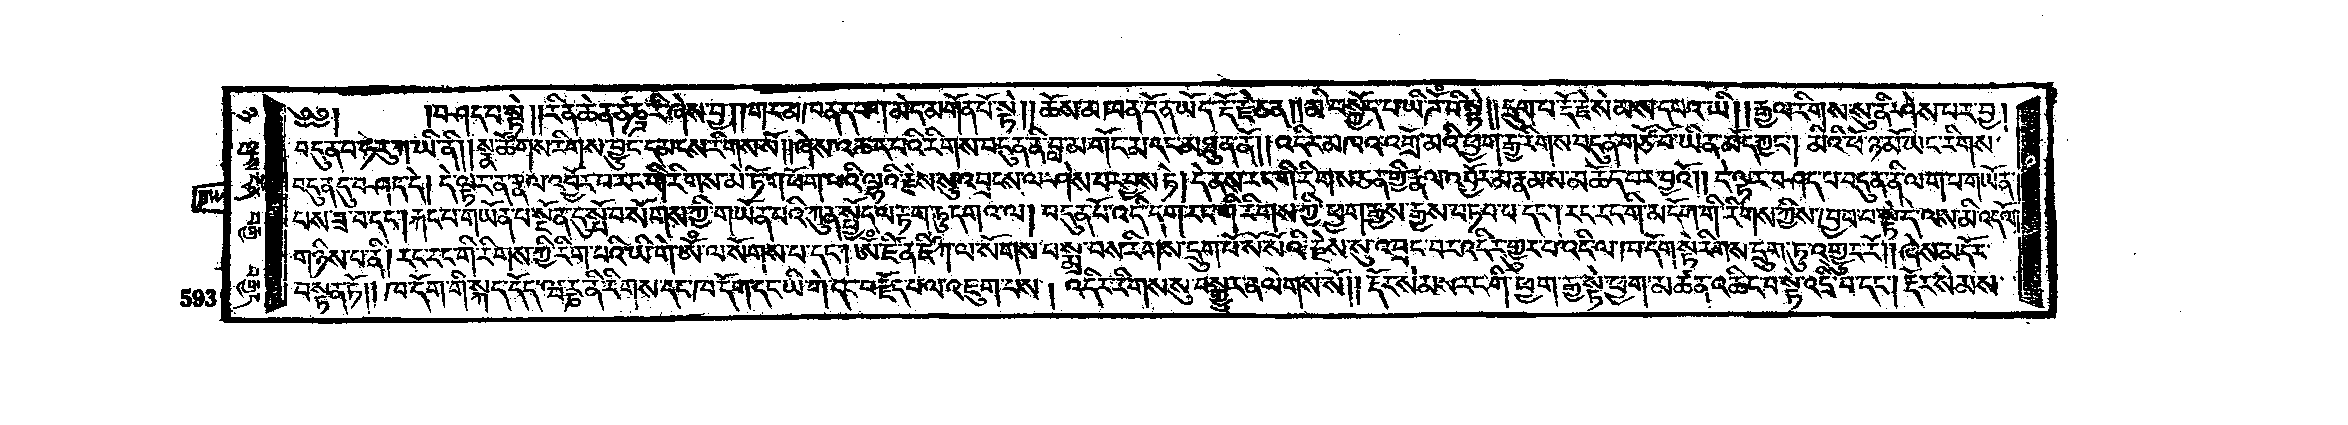༄༅། །བཤད་པ་སྟེ། །རིན་ཆེན་ཙཎྜ་རི་ཞེས་བྱ། །གར་མཁན་དཔག་མེད་མགོན་པོ་སྟེ། །ཆོས་མཁན་དོན་ཡོད་རྡོ་རྗེ་ཅན། །མི་བསྐྱོད་པ་ཡི་ཌོཾ་བི་སྟེ། །དྲུག་པ་རྡོ་རྗེ་སེམས་དཔའ་ཡི། །རྒྱལ་རིགས་སུ་ནི་ཤེས་པར་བྱ།
བདུན་པ་ཧེ་རུ་ཀ་ཡི་ནི། །སྣ་ཚོགས་རིགས་བྱུང་དམངས་རིགས་སོ། །ཞེས་འཆད་པའི་རིགས་བདུན་ནི་བླ་མ་གོང་མ་དང་མཐུན་ནོ། །འདིར་མཁའ་འགྲོ་མའི་ཕྱག་རྒྱ་རིགས་བདུན་གཙོ་བོ་ཡིན་མོད་ཀྱང་། མིའི་ཕོ་ཉ་མོ་ཡང་རིགས་
བདུན་དུ་བཤད་དེ། དེ་ལྟར་ན་རྣལ་འབྱོར་པ་རང་གི་རིགས་མེ་ཏོག་ཕོག་པའི་ལྷའི་རྗེས་སུ་འབྲངས་ལ་ཤེས་པར་བྱས་ཏེ། དེ་ནས་རང་གི་རིགས་ཅན་གྱི་རྣལ་འབྱོར་མ་རྣམས་མཆོད་པར་བྱའོ། །དེ་ལྟར་བཤད་པ་བདུན་ནི་ལག་པ་གཡོན་
པས་ཟླ་བ་དང་། རྐང་པ་གཡོན་པ་སྔོན་དུ་སྤོ་བ་སོགས་ཀྱི་གཡོན་པའི་ཀུན་སྤྱོད་ལ་རྟག་ཏུ་དགའ་ལ། བདུན་པོ་འདི་དག་རང་གི་རིགས་ཀྱི་ཕྱག་རྒྱས་རྒྱས་བཏབ་པ་དང་། རང་རང་གི་མདོག་གི་རིགས་ཀྱིས་ཁྱབ་པ་སྟེ་དེ་ལས་མི་འདའོ། །
གཉིས་པ་ནི། རང་རང་གི་རིགས་ཀྱི་རིག་པའི་ཡི་གེ་ཨོཾ་ལ་སོགས་པ་དང་། ཨོཾ་ཛི་ན་ཛི་ཀ་ལ་སོགས་པ་སྨྲ་བས་རིགས་དྲུག་པོ་སོ་སོའི་རྗེས་སུ་འབྲང་བར་འདིར་གྱུར་པ་འདི་ལ་ཁ་དོག་སྟེ་རིགས་དྲུག་ཏུ་འགྱུར་རོ། །ཞེས་མདོར་
བསྟན་ཏོ། །ཁ་དོག་གི་སྐད་དོད་ཝརྞ་ནི་རིགས་དང་ཁ་དོག་དང་ཡི་གེ་དང་བརྗོད་པ་ལ་འཇུག་པས། འདིར་རིགས་སུ་བསྒྱུར་ན་ལེགས་སོ། །རྡོར་སེམས་རང་གི་ཕྱག་རྒྱ་སྟེ་ཕྱག་མཚན་འཆིང་བ་སྟེ་འདྲི་བ་དང་། རྡོར་སེམས་